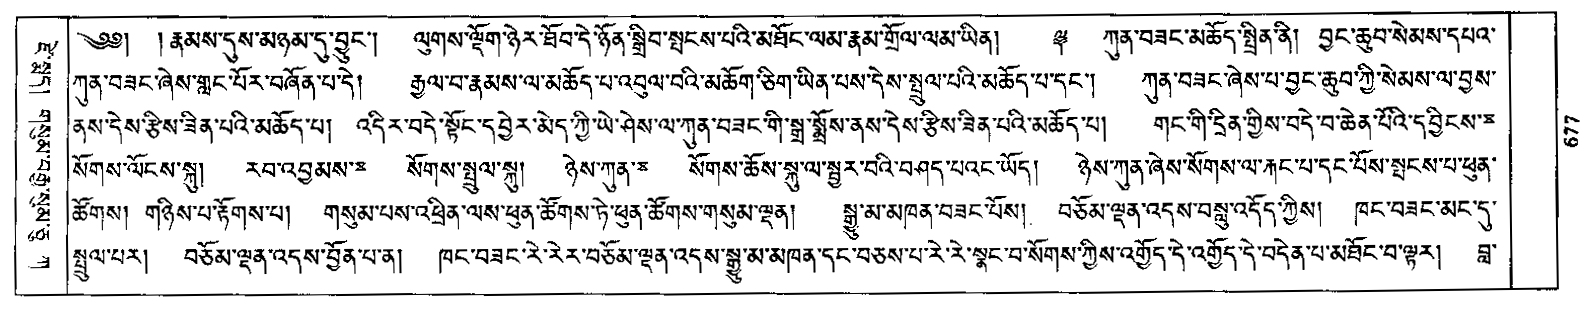༄༅། །རྣམས་དུས་མཉམ་དུ་བྱུང་། ལུགས་ལྡོག་ཉེར་ཐོབ་དེ་ཉོན་སྒྲིབ་སྤངས་པའི་མཐོང་ལམ་རྣམ་གྲོལ་ལམ་ཡིན། ༈ ཀུན་བཟང་མཆོད་སྤྲིན་ནི། བྱང་ཆུབ་སེམས་དཔའ་
ཀུན་བཟང་ཞེས་གླང་པོར་བཞོན་པ་དེ། རྒྱལ་བ་རྣམས་ལ་མཆོད་པ་འབུལ་བའི་མཆོག་ཅིག་ཡིན་པས་དེས་སྤྲུལ་པའི་མཆོད་པ་དང་། ཀུན་བཟང་ཞེས་པ་བྱང་ཆུབ་ཀྱི་སེམས་ལ་བྱས་
ནས་དེས་རྩིས་ཟིན་པའི་མཆོད་པ། འདིར་བདེ་སྟོང་དབྱེར་མེད་ཀྱི་ཡེ་ཤེས་ལ་ཀུན་བཟང་གི་སྒྲ་སྨྲོས་ནས་དེས་རྩིས་ཟིན་པའི་མཆོད་པ། གང་གི་དྲིན་གྱིས་བདེ་བ་ཆེན་པོའི་དབྱིངས་྾་
སོགས་ལོངས་སྐུ། རབ་འབྱམས་྾་སོགས་སྤྲུལ་སྐུ། ཉེས་ཀུན་྾་སོགས་ཆོས་སྐུ་ལ་སྦྱར་བའི་བཤད་པའང་ཡོད། ཉེས་ཀུན་ཞེས་སོགས་ལ་རྐང་པ་དང་པོས་སྤངས་པ་ཕུན་
ཚོགས། གཉིས་པ་རྟོགས་པ། གསུམ་པས་འཕྲིན་ལས་ཕུན་ཚོགས་ཏེ་ཕུན་ཚོགས་གསུམ་ལྡན། སྒྱུ་མ་མཁན་བཟང་པོས། བཅོམ་ལྡན་འདས་བསླུ་འདོད་ཀྱིས། ཁང་བཟང་མང་དུ་
སྤྲུལ་པར། བཅོམ་ལྡན་འདས་བྱོན་པ་ན། ཁང་བཟང་རེ་རེར་བཅོམ་ལྡན་འདས་སྒྱུ་མ་མཁན་དང་བཅས་པ་རེ་རེ་སྣང་བ་སོགས་ཀྱིས་འགྱོད་དེ་འགྱོད་དེ་བདེན་པ་མཐོང་བ་ལྟར། བླ་